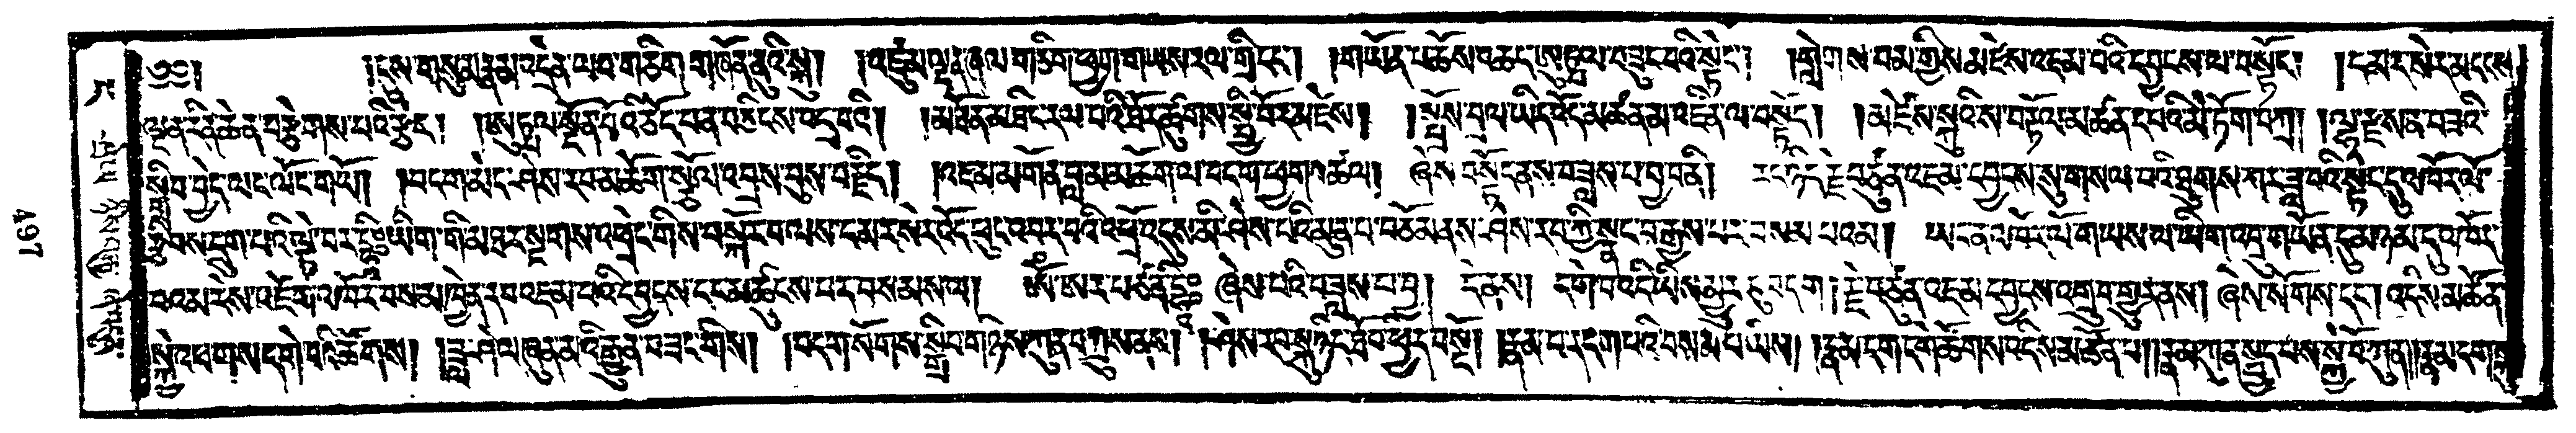༄༅། །དུས་གསུམ་རྣམ་འདྲེན་ཡབ་གཅིག་གཞོན་ནུའི་སྐུ། །འཛུམ་ལྡན་ཞལ་གཅིག་ཕྱག་གཡས་རལ་གྲི་དང་། །གཡོན་པ་ཆོས་འཆང་ཨུཏྤལ་བཟུང་བའི་སྟེང་། །གླེགས་བམ་གྱིས་མཛེས་འཇམ་པའི་བྱངས་ལ་བསྟོང་། །དམར་སེར་མདངས་
ལྔན་རིན་ཆེན་བརྩེགས་པའི་རྩང་། །ཨུཏྤལ་སྔོན་པོའི་ཅོད་བན་བཅིངས་འདྲ་བའི། །མཐོན་མཐིང་རལ་བའི་ཐོར་ཚུགས་སྤྱི་བོར་མཛེས། །སྤྲོས་བྲལ་ཡིད་འོད་མཚན་མ་འཛིན་ལ་བསྟོད། །མཛེས་སྐུའི་ས་བརྟོལ་མཚན་དཔའི་མེ་ཏོག་བཀྲ། །ལྷ་རྫས་ན་བཟའི་
སྒྲིབ་བྱེད་ལང་ལོང་གཡོ། །བདག་མེད་ཤེས་རབ་མཆོག་སྩོལ་འབྲས་བུས་བརྗིད། །འཇམ་མགོན་བླ་མ་མཆོག་ལ་བདག་ཕྱག་འཚལ། ཞེས་བསྟོད་ནས་བཟླས་པ་བྱ་བ་ནི། རང་ཉིད་རྗེ་བཙུན་འཇམ་དབྱངས་སུ་གསལ་བའི་ཐུགས་ཀར་ཟླ་བའི་སྟེང་དུ་འཁོར་ལོ་
རྩིབས་དྲུག་པའི་ལྟེ་བར་དྷཱིཿཡིག་གི་མཐར་སྔགས་འཕྲེང་གིས་བསྐོར་བ་ལས་དམར་སེར་འོད་ཕུང་འབར་བའི་འཕྲོ་འདུས་མི་ཤེས་པའི་མུན་པ་བཅོམ་ནས་ཤེས་རབ་ཀྱི་སྣང་བ་རྒྱས་པར་བསམ་པའམ། ཡང་ན་འཁོར་ལོ་གཡས་ལ་ཡིག་འབྲུ་གཡོན་དུ་མཉམ་དུ་འཁོར་
བའམ་རེས་འཛོག་འཁོར་བས་མཁྱེན་རབ་འཇམ་པའི་དབྱངས་དང་མཚུངས་པར་བསམས་ལ། ཨོཾ་ཨར་པ་ཙ་ན་དྷཱིཿཞེས་པའི་བཟླས་པ་བྱ། དེ་ནས། དགེ་བ་འདི་ཡིས་མྱུར་དུ་བདག །རྗེ་བཙུན་འཇམ་དབྱངས་འགྲུབ་གྱུར་ནས། ཞེས་སོགས་དང་། འདིས་མཚོན་
སྐྱེ་འཕགས་དགེ་བའི་ཚོགས། ཟླ་ཤེལ་ཞུན་མའི་རྒྱུན་བཟང་གིས། །བདག་སོགས་སྒྲིབ་གཉིས་ཀུན་བཀྲུས་ནས། །ཤེས་རབ་སྐུ་ཉིད་ཐོབ་ཕྱིར་བསྔོ། །རྣམ་པར་དག་པའི་བསམ་པ་ཡིས། །རྣམ་དག་དགེ་ཚོགས་འདིས་མཚོན་པ། །རྣམ་ཀུན་སྤྱད་པས་སྐྱེ་བོ་ཀུན། །རྣམ་དག་སྐུ་